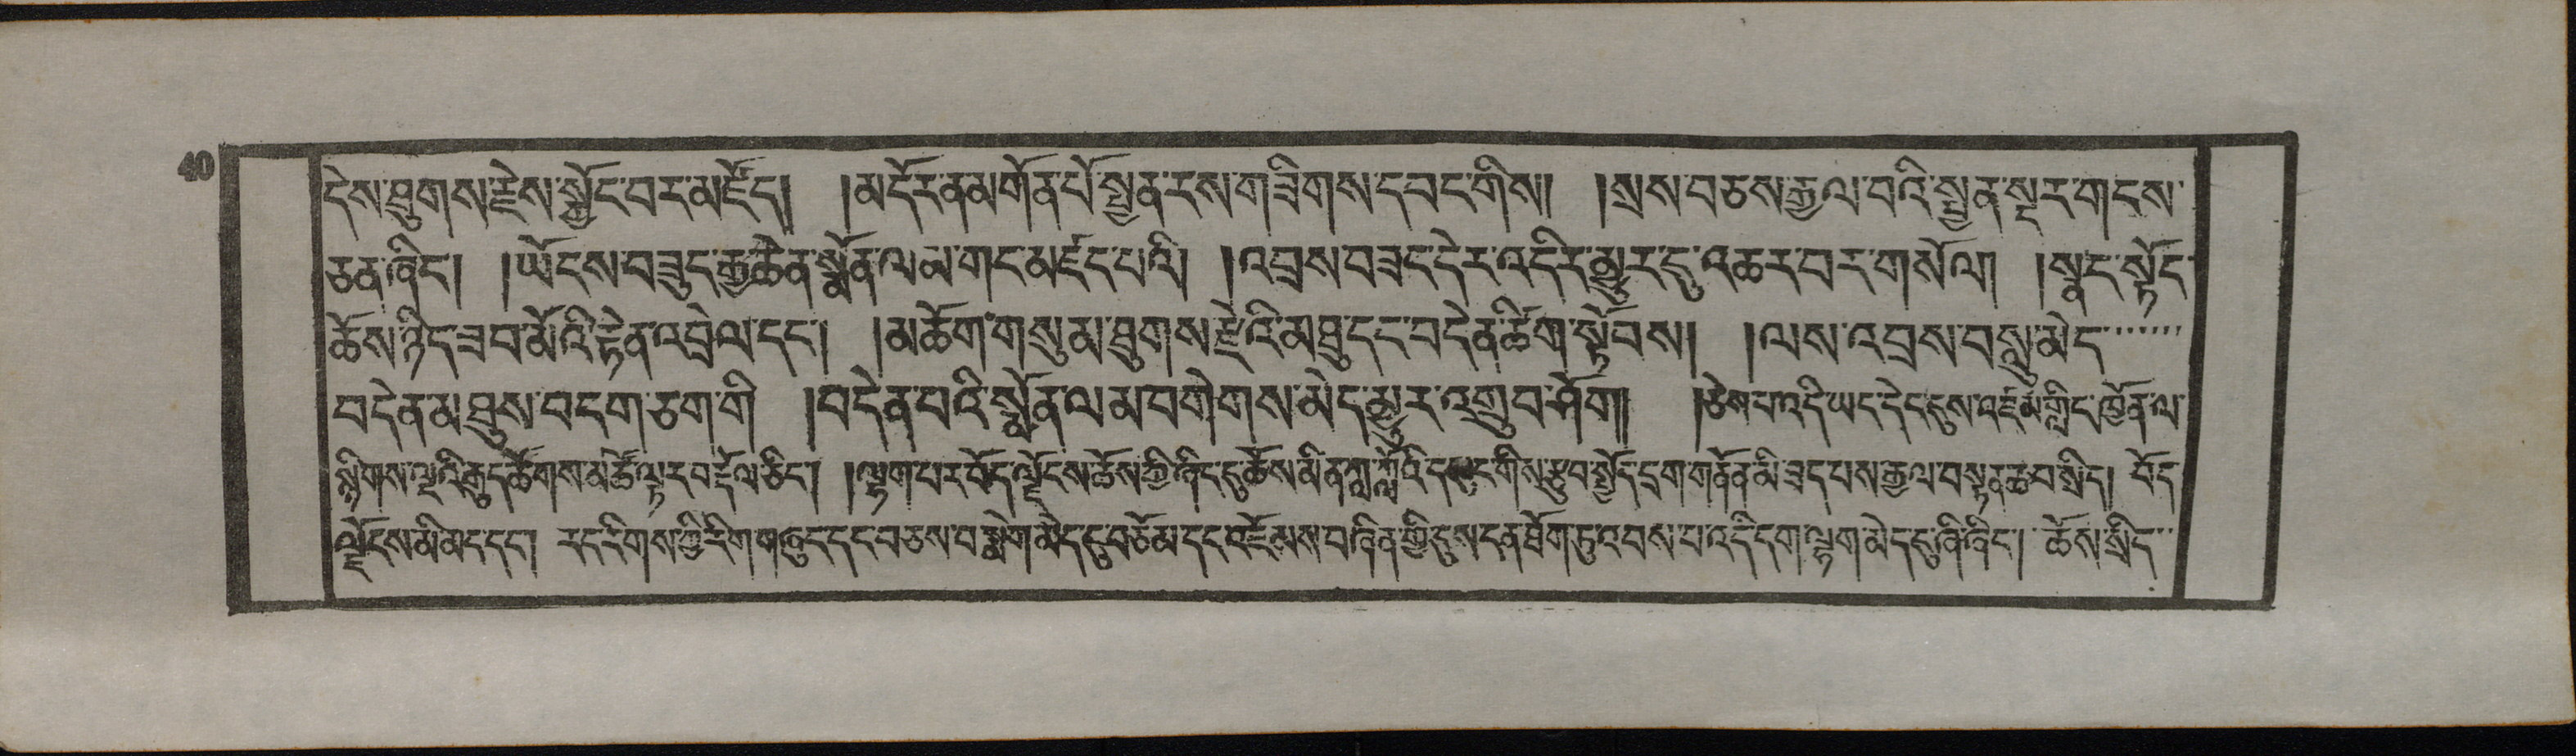དེས་ཐུགས་རྗེས་སྐྱོང་བར་མཛོད། །མདོར་ན་མགོན་པོ་སྤྱན་རས་གཟིགས་དབང་གིས། །སྲས་བཅས་རྒྱལ་བའི་སྤྱན་སྔར་གངས་
ཅན་ཞིང་། །ཡོངས་བཟུང་རྒྱ་ཆེན་སྨོན་ལམ་གང་མཛད་པའི། །འབྲས་བཟང་དེར་འདིར་མྱུར་དུ་འཆར་བར་གསོལ། །སྣང་སྟོང་
ཆོས་ཉིད་ཟབ་མོའི་རྟེན་འབྲེལ་དང་། །མཆོག་གསུམ་ཐུགས་རྗེའི་མཐུ་དང་བདེན་ཚིག་སྟོབས། །ལས་འབྲས་བསླུ་མེད་
བདེན་མཐུས་བདག་ཅག་གི །བདེན་པའི་སྨོན་ལམ་བགེགས་མེད་མྱུར་འགྲུབ་ཤོག། །ཅེས་པ་འདི་ཡང་དེང་དུས་འཛམ་གླིང་ཁྱོན་ལ་
སྙིགས་ལྔའི་རྒུད་ཚོགས་མཚོ་ལྟར་བརྡོལ་ཅིང་། །ལྷག་པར་བོད་ལྗོངས་ཆོས་ཀྱི་ཞིང་དུ་ཆོས་མིན་ཀླ་ཀློའི་དྥུང་གིས་རྩུབ་སྤྱོད་དྲག་གནོན་མི་ཟད་པས་རྒྱལ་བསྟན་ཆབ་སྲིད། བོད་
ལྗོངས་མི་མང་དང་། རང་རིགས་ཀྱི་རིག་གཞུང་དང་བཅས་པ་སྨིག་མེད་དུ་བཅོམ་དང་འཇོམས་བཞིན་གྱི་དུས་ངན་ཐོག་ཏུ་འབས་པ་འདི་དག་ལྷག་མེད་དུ་ཞི་ཞིང་། ཆོས་སྲིད་